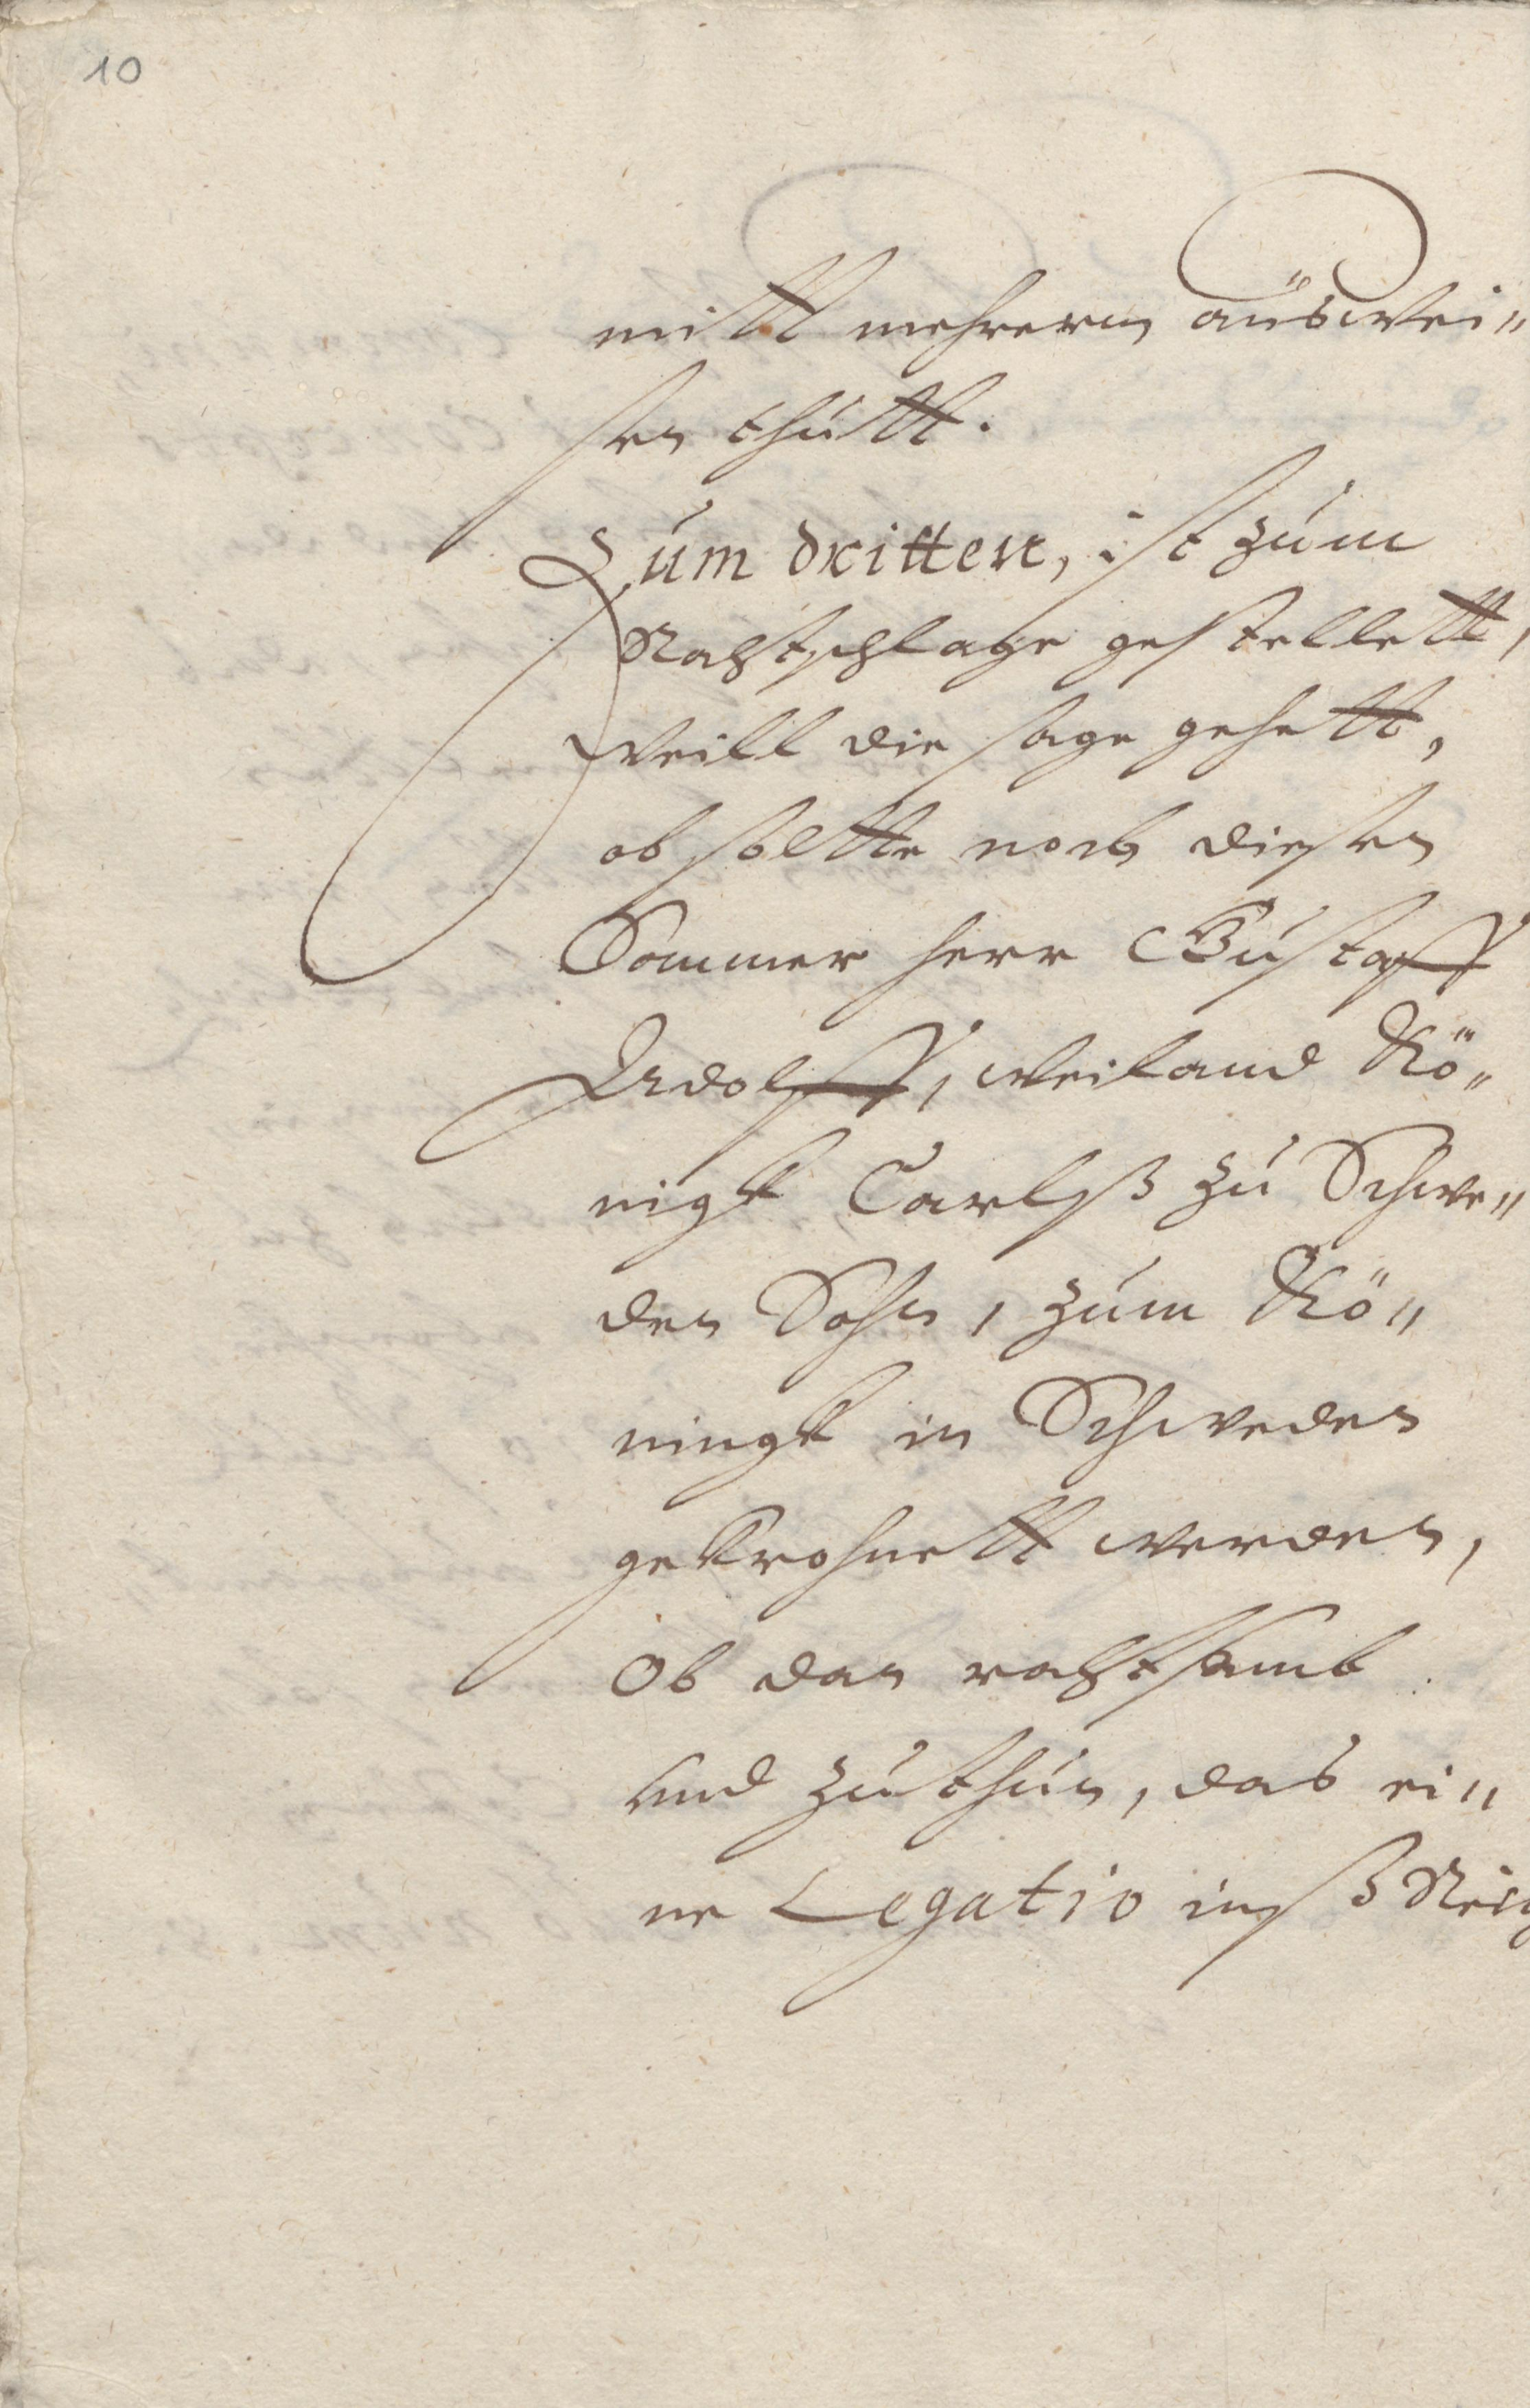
mitt mehreren auswei¬
sen thutt.
Zum dritten, ist zum
Rahtschlage gestellett,
weill die sage gehett,
ob soltte noch diesen
Sommer herr Gustaff
Adolff, weiland Kö¬
nigk Carlß zu Schwe¬
den Sohn, zum Kö¬
ningk in Schweden,
gekrohnett werden,
Ob dan rahtsamb
vnd zuthun, das ei¬
ne Legatio inß Rei¬
